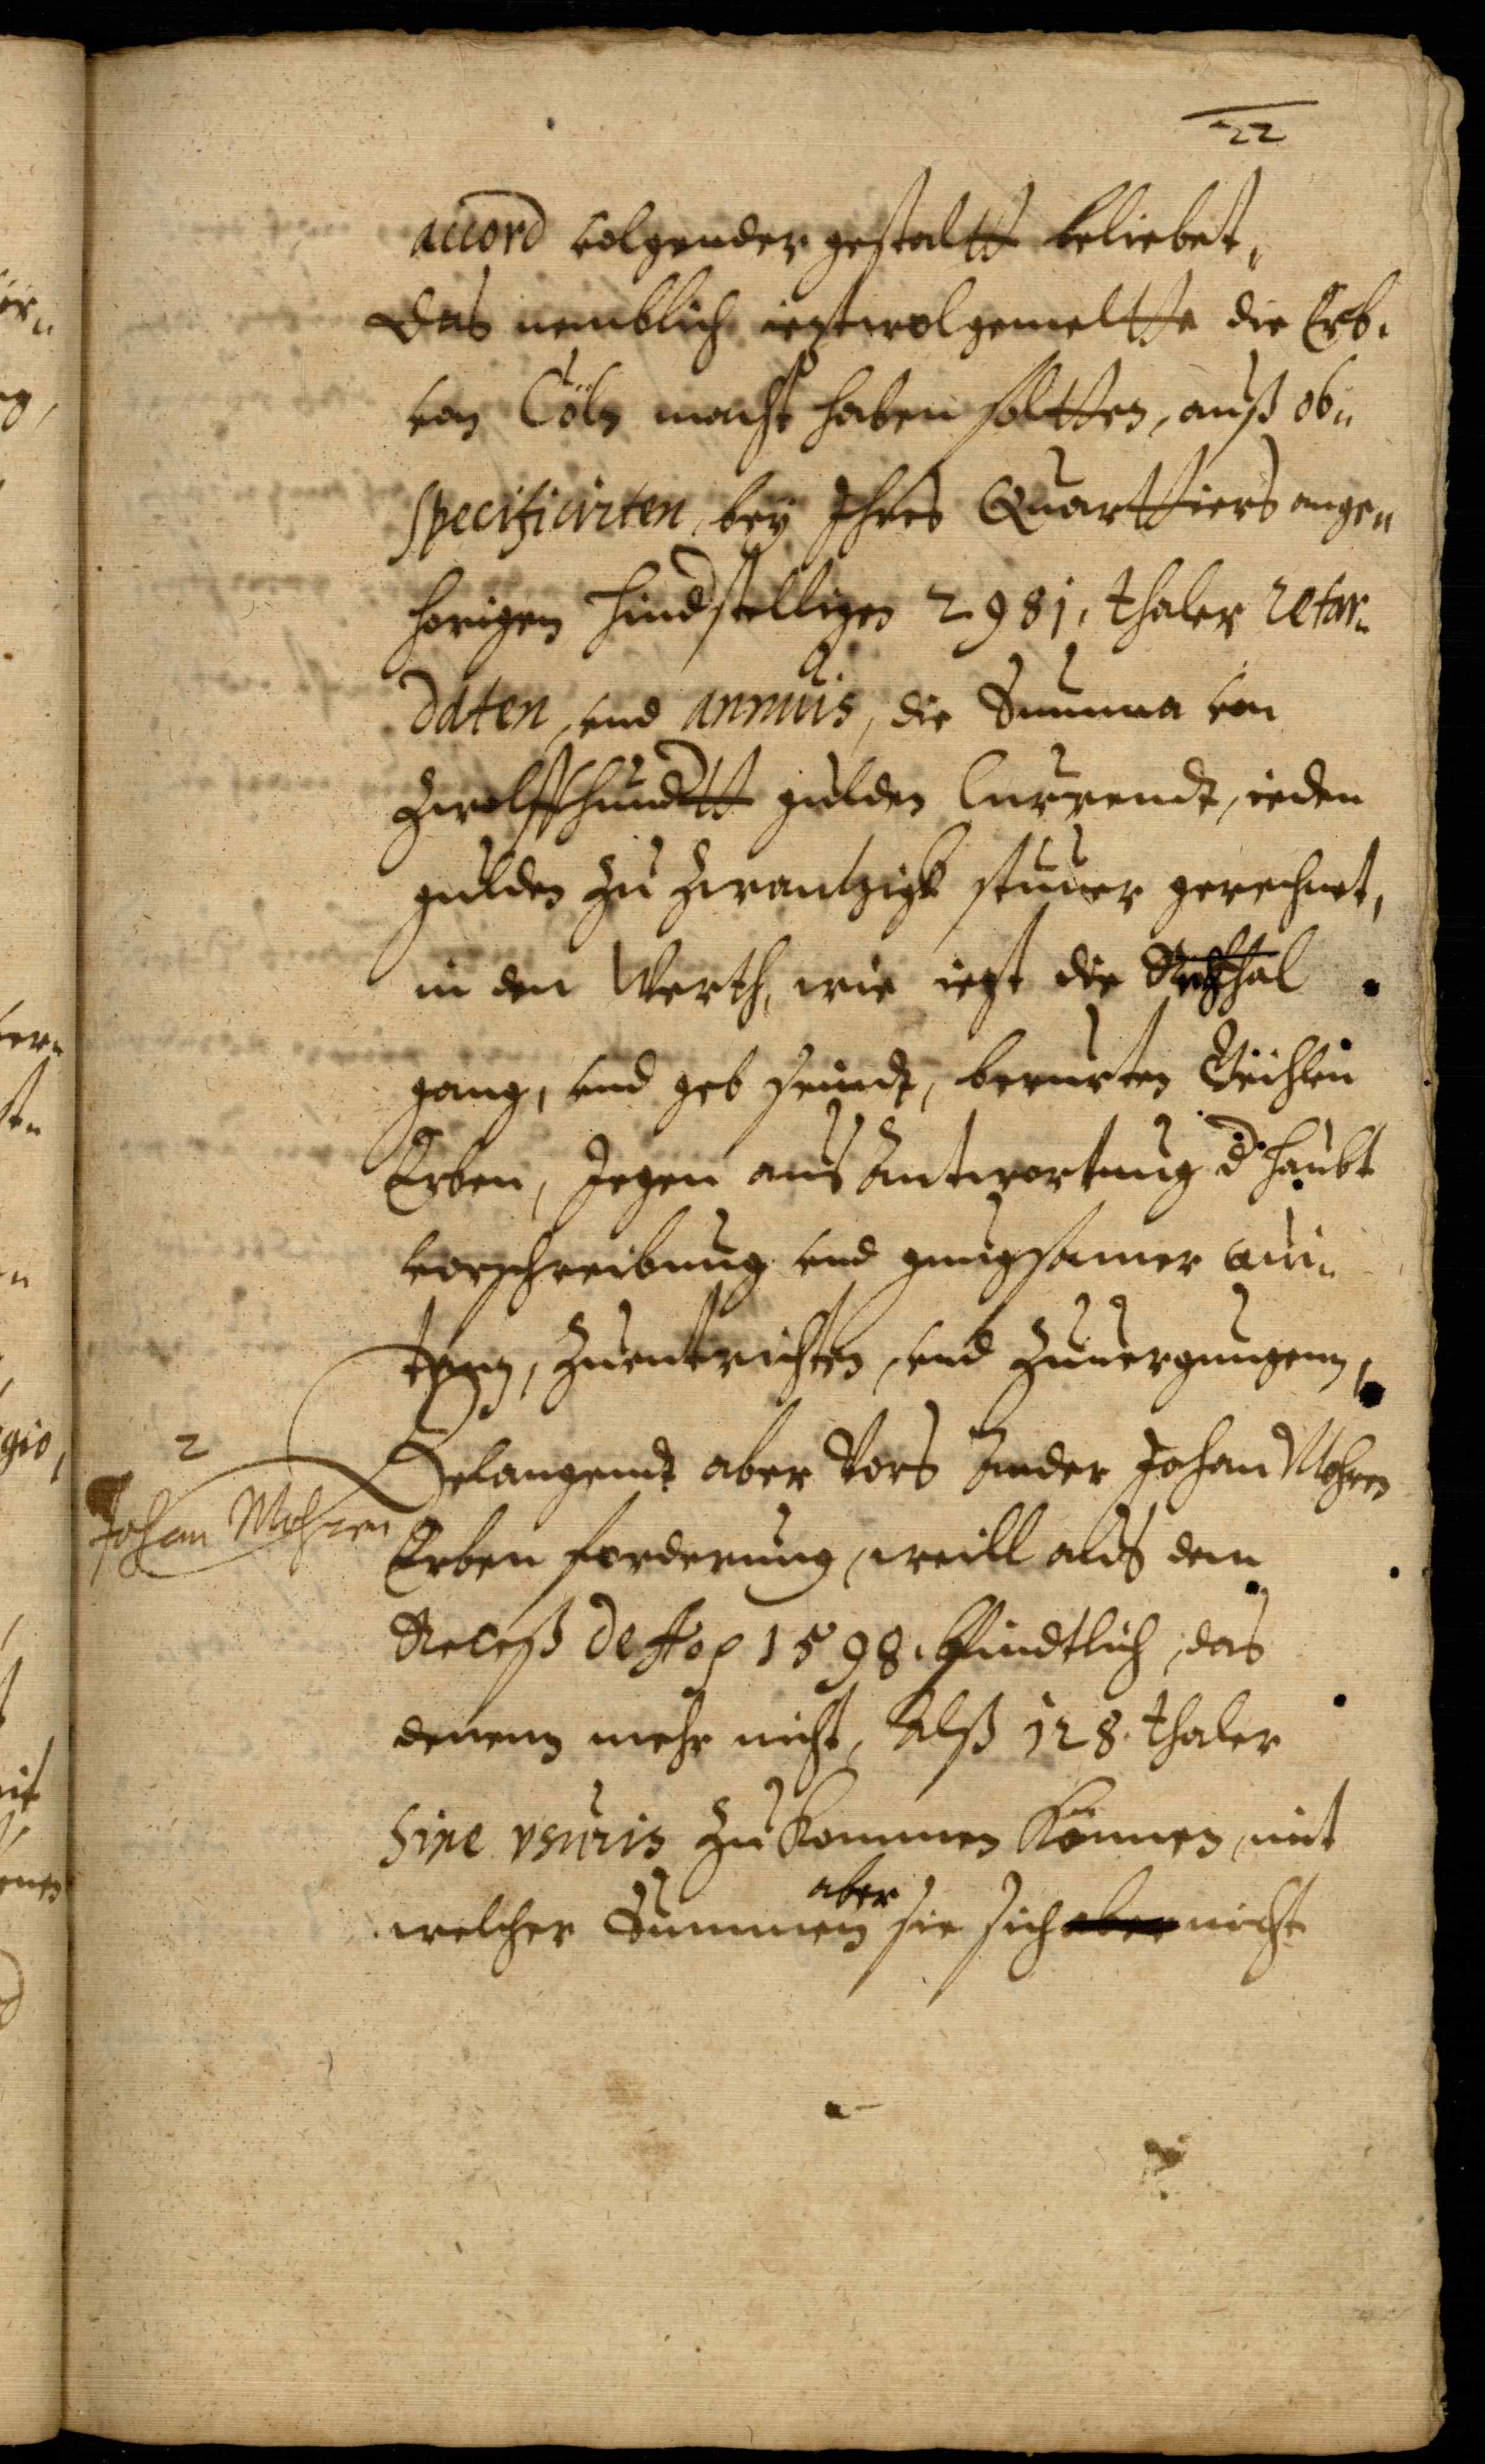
22
accord volgender gestaltt beliebet,
das nemblich iestwolgemeltte die Erb.
von Cöln macht haben soltten, auß ob¬
specificirten beij Ihres Quarttiers ange¬
horigen hinderstelligen 2981. thaler retar¬
daten, vnd annuis, die Summa von
zwolffhundertt gulden Currendt, ieden
gulden zu zwantzigk stuuer gerechnet,
in den Werth, wir iezt die Reichsthaler
gang, vnd geb seindt, berurten Geihlen
Erben, Jegen aus Antwortung der haubt
vorschreibung vnd gnugsamer Qui¬
tanz, zuentrichten, vnd zuuergnugenn,
Belangendt aber vors Ander Johan Mohren
Erben forderung, weill aus dem
Receß de Ao 1598, befindtlich, das
denenn mehr nicht, Alß 128. thaler
Sine vsuris zu kommen können, mit
welcher Summen aber sie sich aber nicht
2
Johan Mohren
